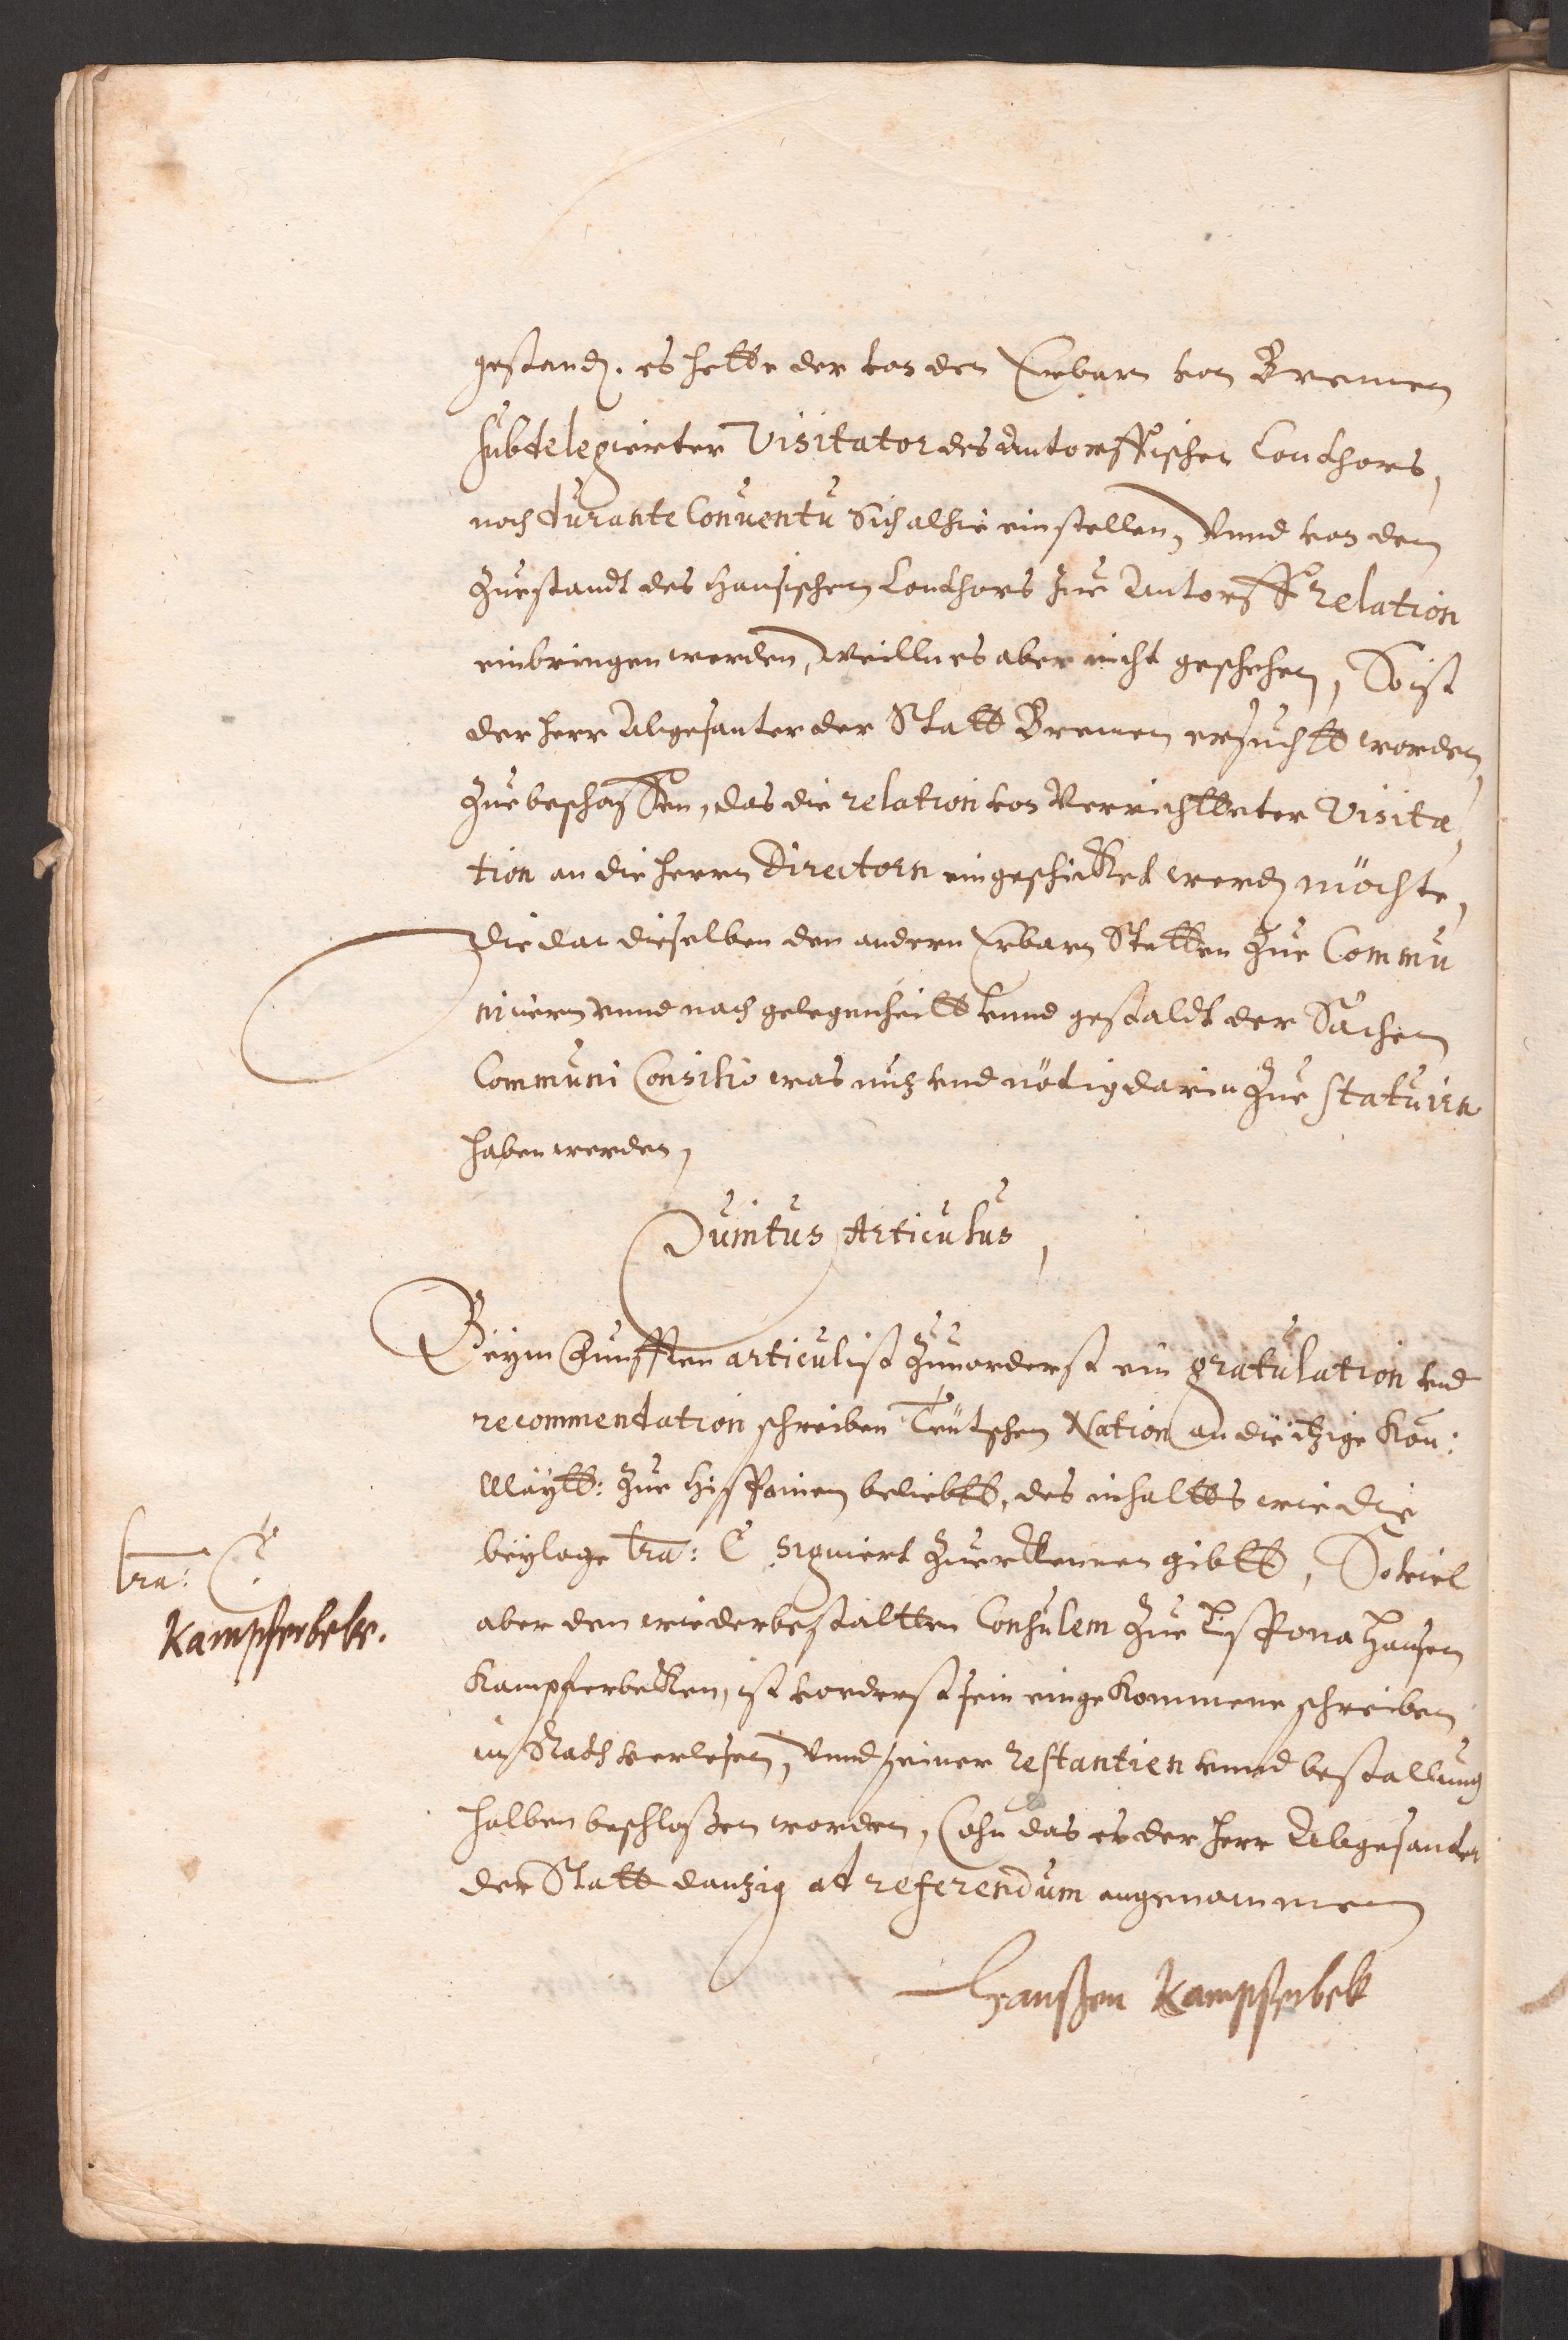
gestanden es hette der von den Erbarn von Bremen
subdelegierter Visitator des Antorffischen Conthors,
noch durante Conuentu Sich alhie einstellen, Vnnd von den
zuestandt des Hansischen Conthors zue Antorff relation
einbringen werden, Weilln es aber nicht geschehen, So ist
der herr Abgesanter der Statt Bremen ersuchtt worden,
zue beschaffen, das die relation von verrichtteter Visita¬
tion an die herrn Directorn eingeschicket werden möchte,
die dan dieselben den andern Erbarn Stetten zue Commu
niciern vnnd nach gelegenheitt vnnd gestaldt der Sachen
Communi Consilio was nutz vnd nötig darin zue statuirn
haben werden,
Quintus Articulus,
Beijm Funfften articul ist zuuorderst ein gratulation vnd
recommendation schreiben Teütschen Nation an die itzige kon:
Maijtt: zue Hispanien beliebtt, des inhaltts wie die
beijlage littera C signiert zuerkennen gibtt, Soviel
aber den wiederbestaltten Consulem zue Lispona Hansen
Kampferbeken, ist vorderst sein eingekommene schreiben
in Rath verlesen, vnnd seiner restantien vnnd bestallung
halben beschloßen worden, (ohn das es der herr Abgesanter
der Statt danzig ad referendum angenommen
littera C.
Kampferbeke.
Hanßen Kampferbek
